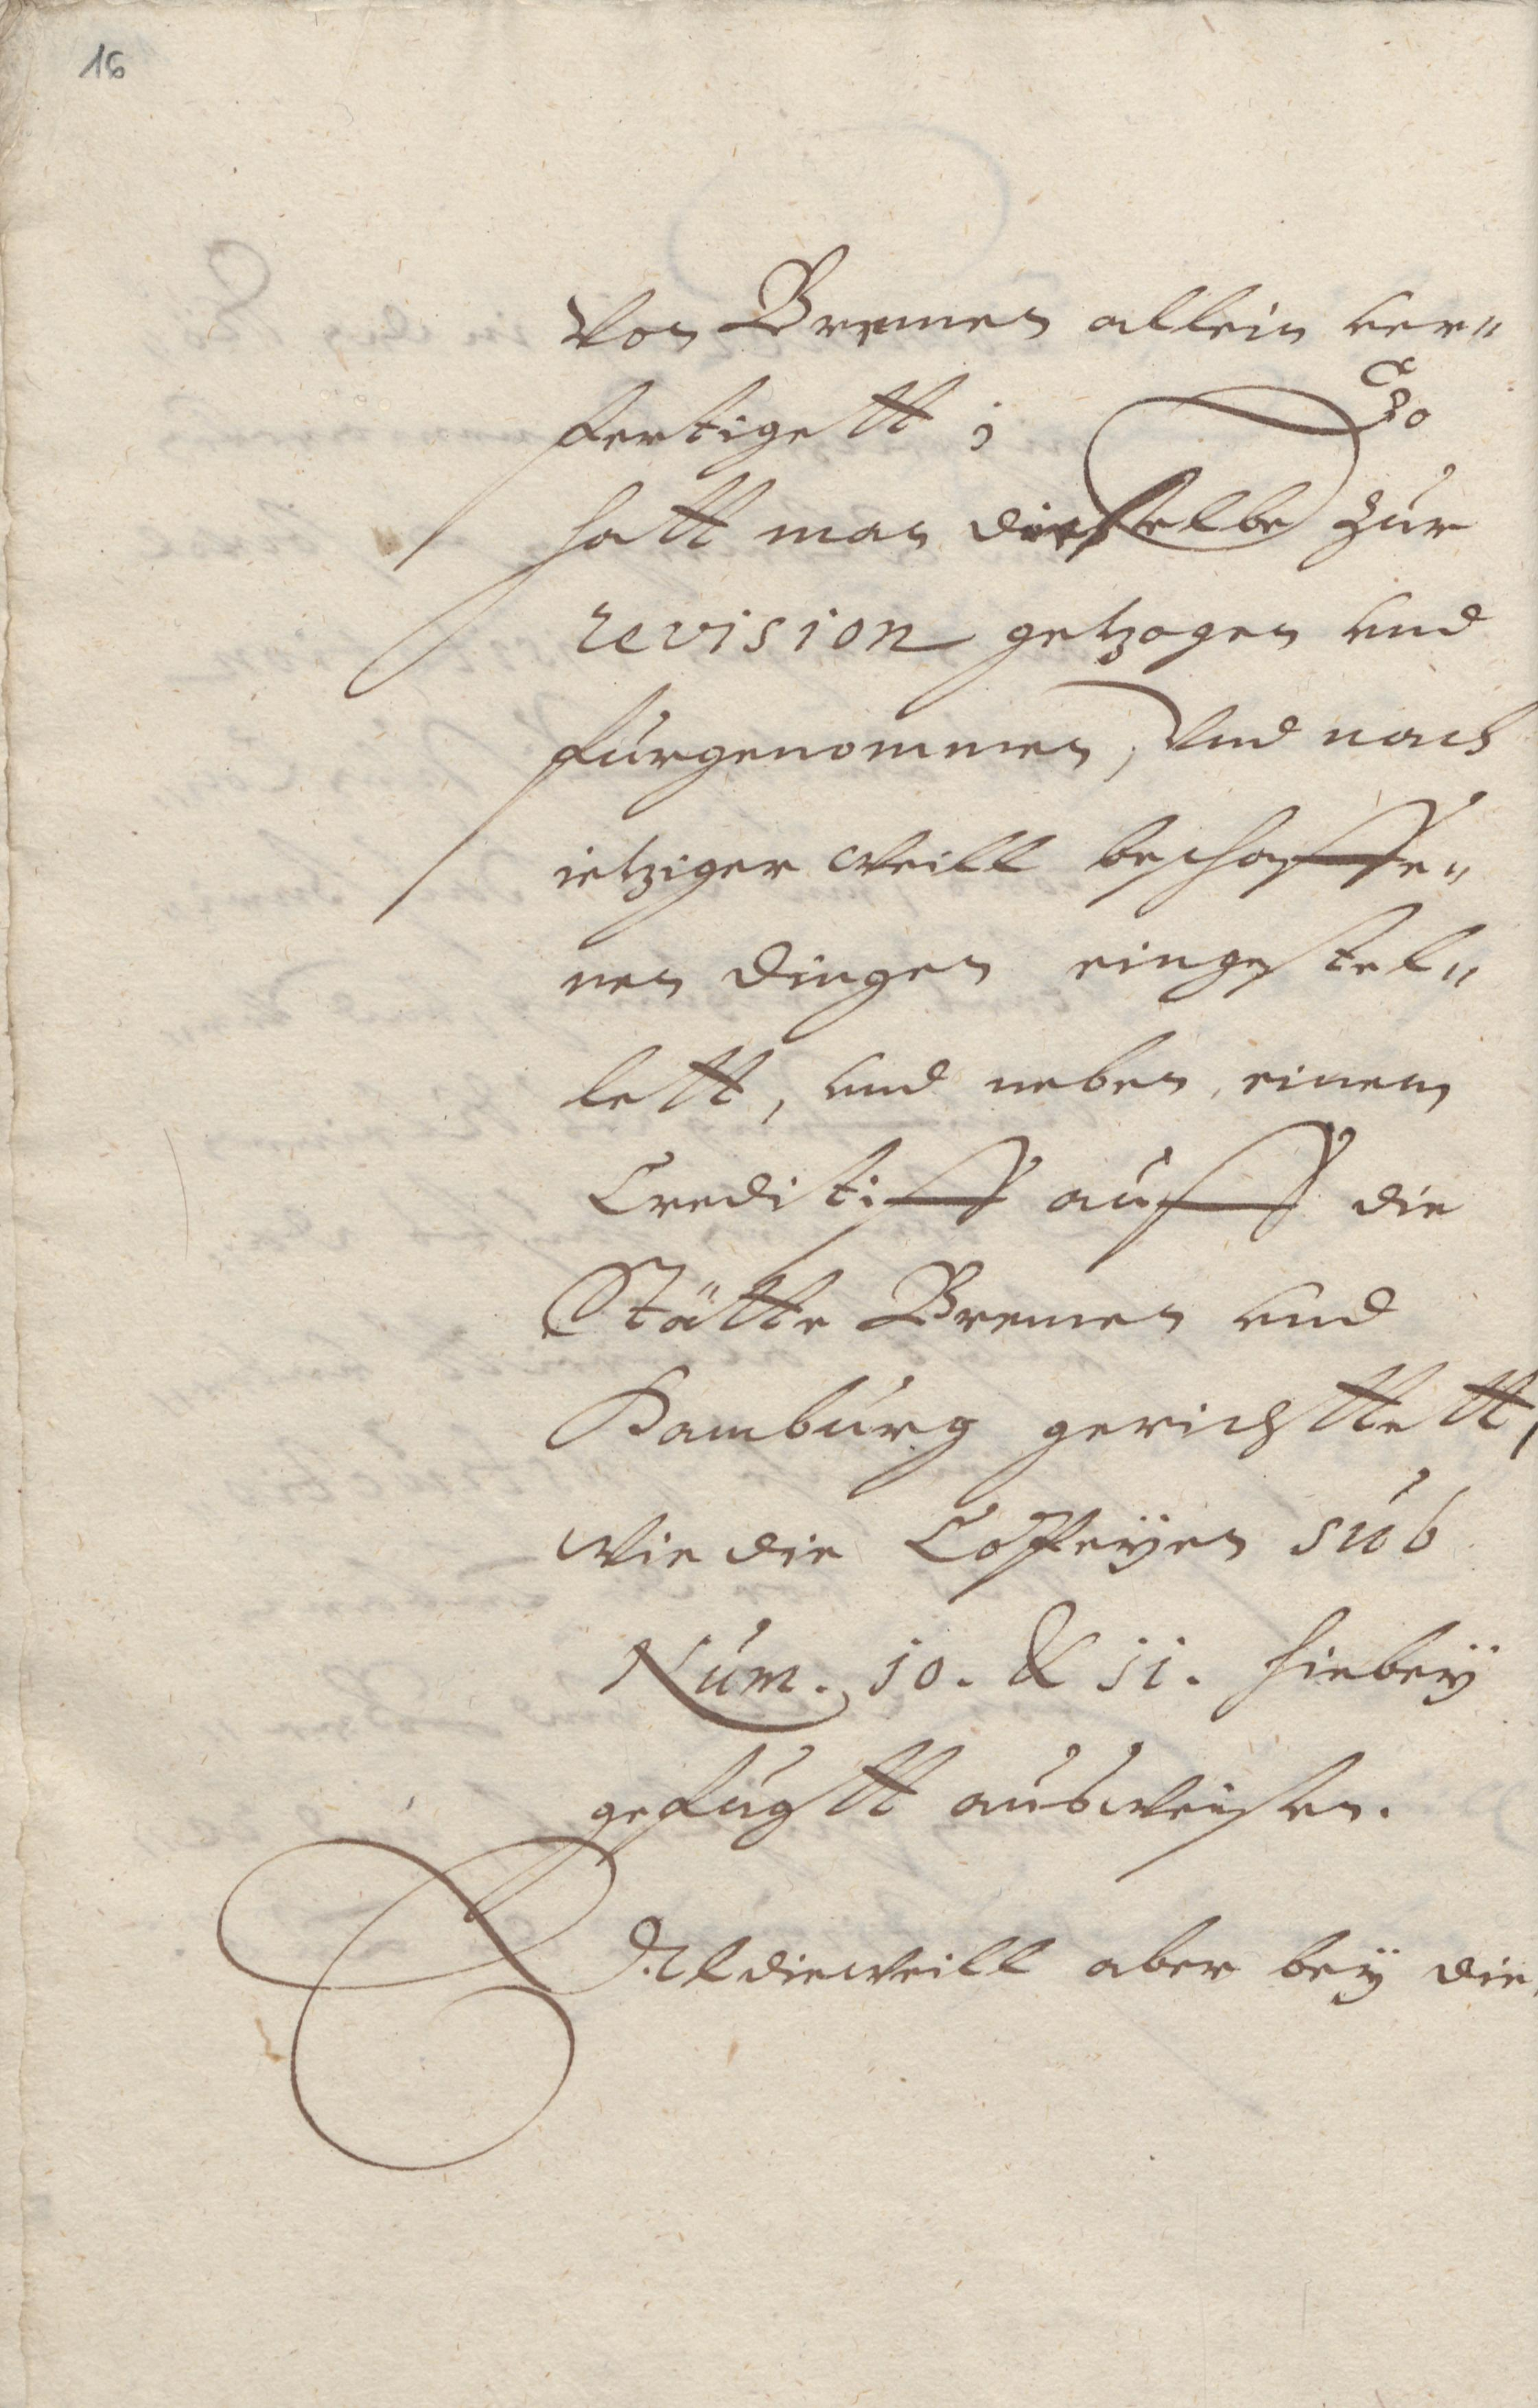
von Bremen allein ver¬
fertigett; So
hatt man dieselbe zur
revision getzogen vnd
furgenommen, vnd nach
ietziger weill beschaffe¬
nen dingen eingestel¬
lett, vnd neben einem
Creditiff auff die
Stätte Bremen vnd
Hamburg gerichttett,
wie die Copeijen sub
Num. 10. & 11.hiebeij
gefugtt ausweisen.
Aldieweill aber beij die
